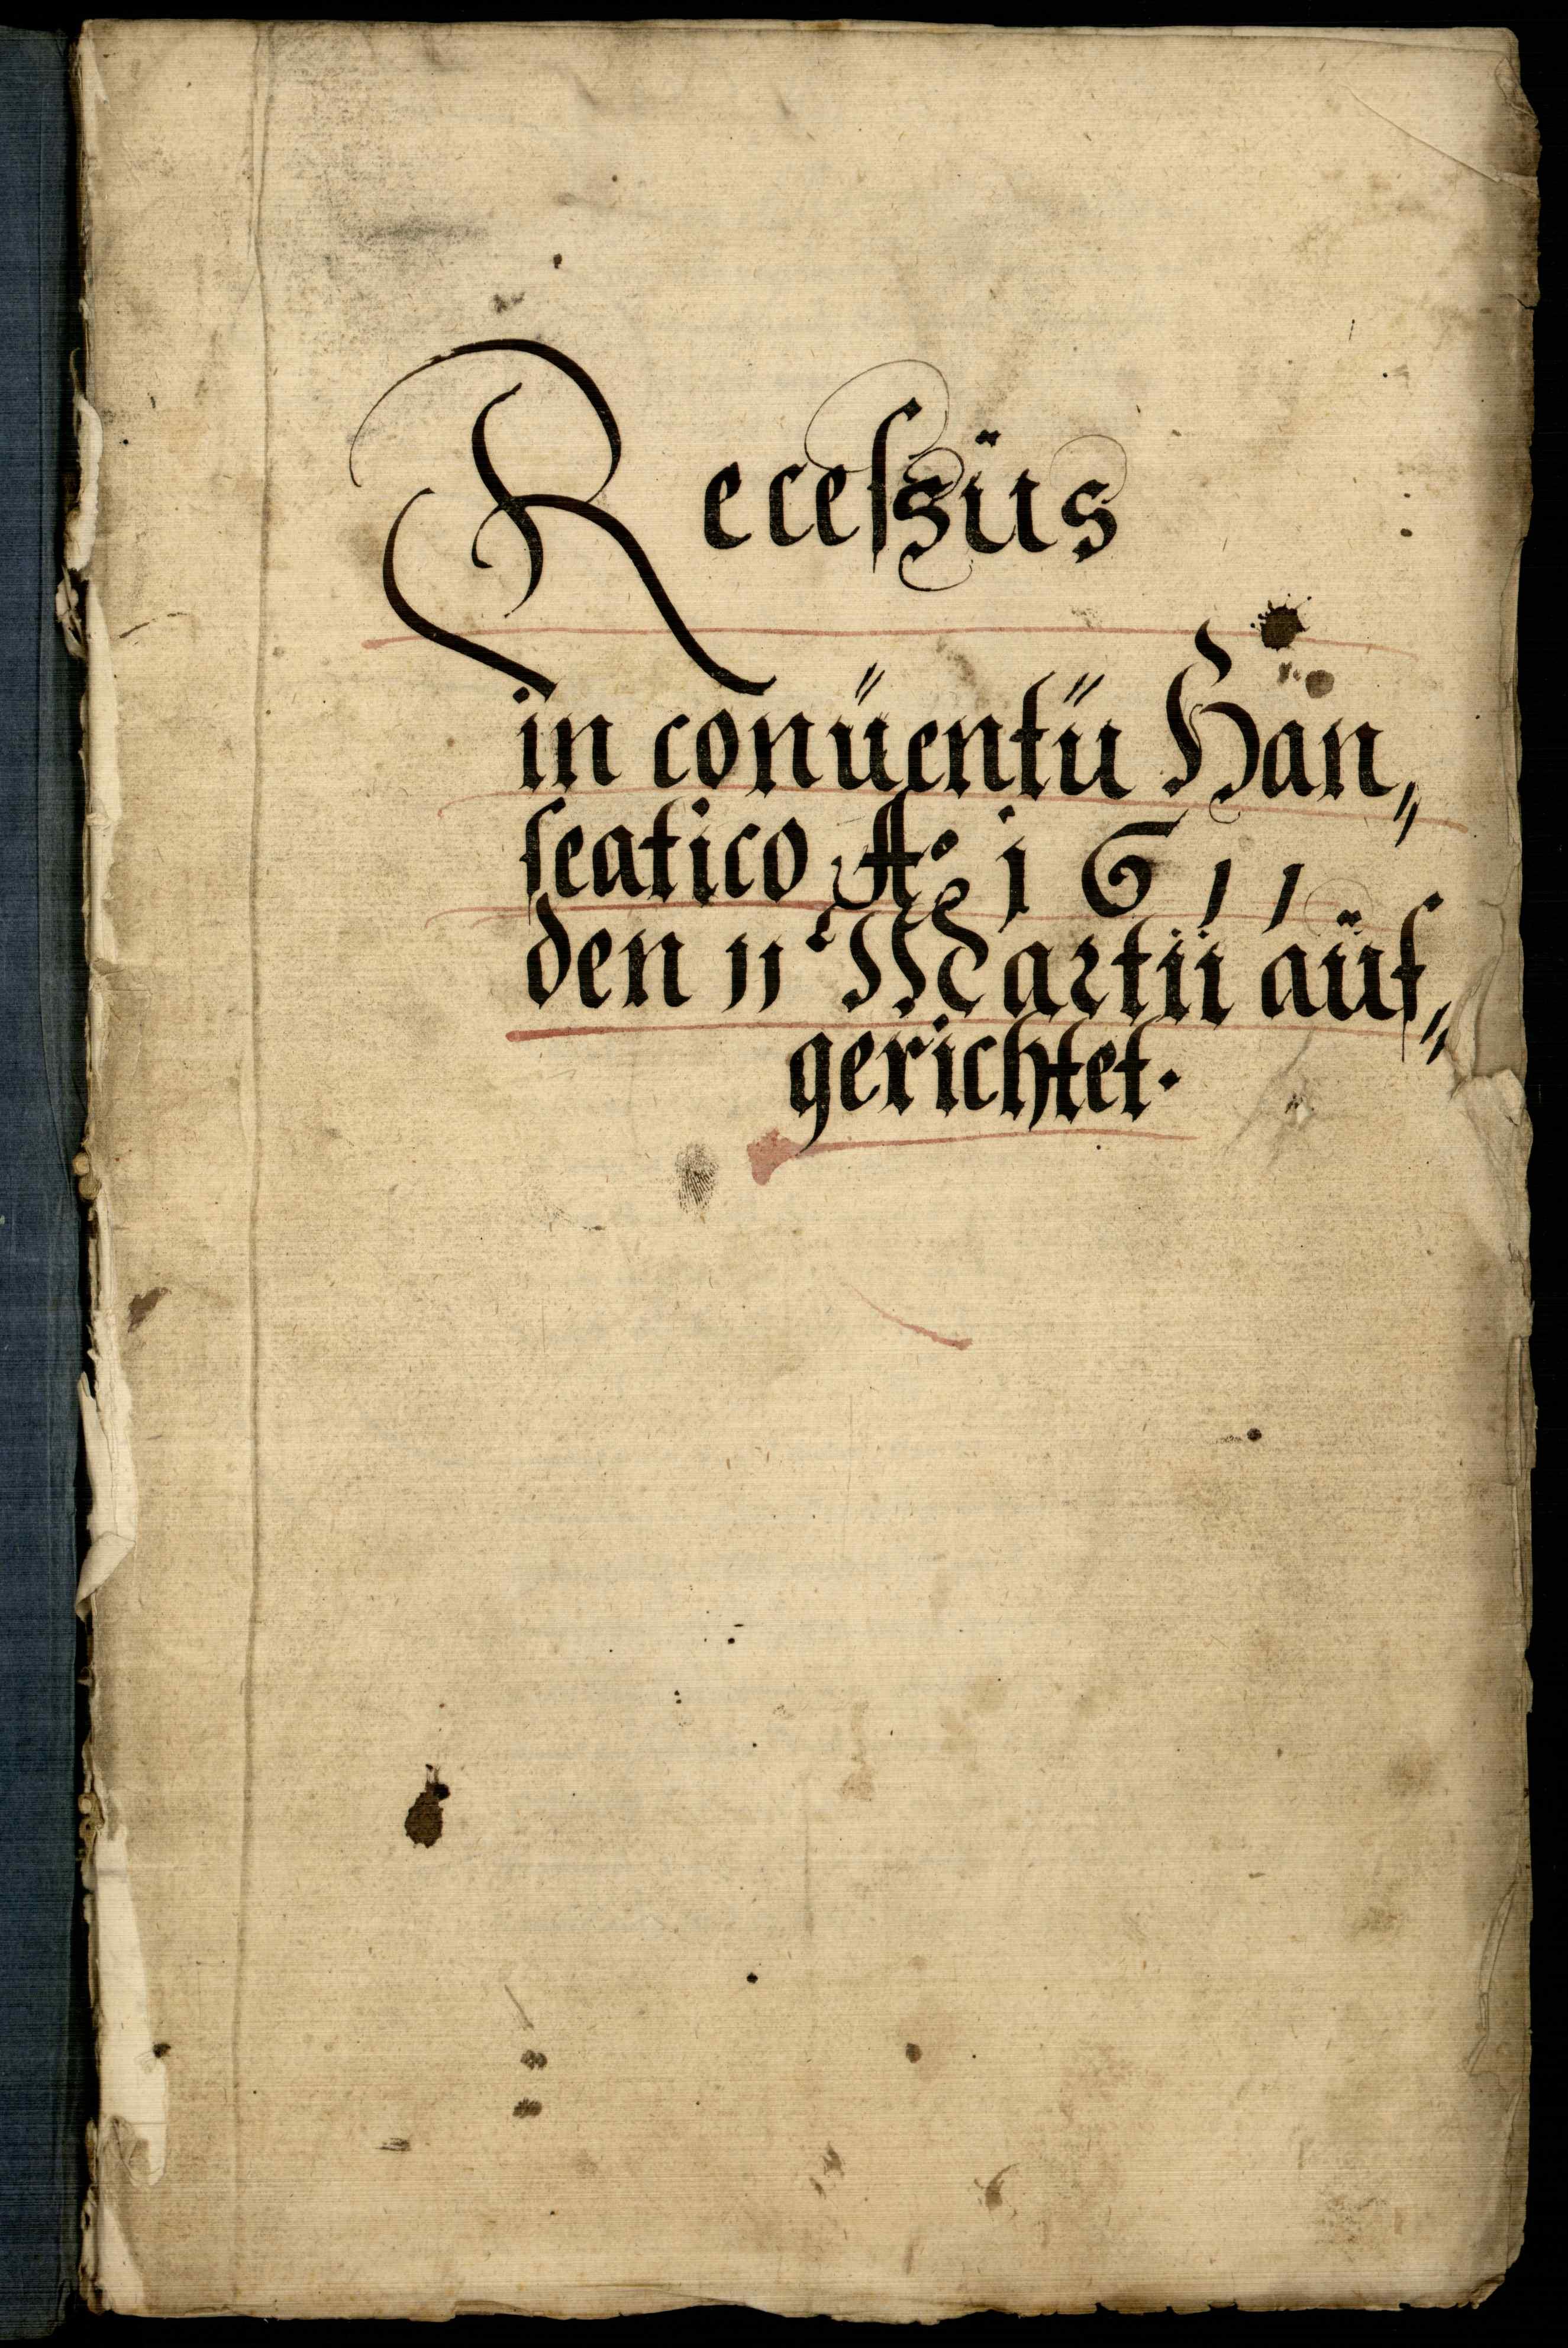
Recessus
in conuentu Han¬
seatico Ao 1611
den 11 Martii auf¬
gerichtet.
